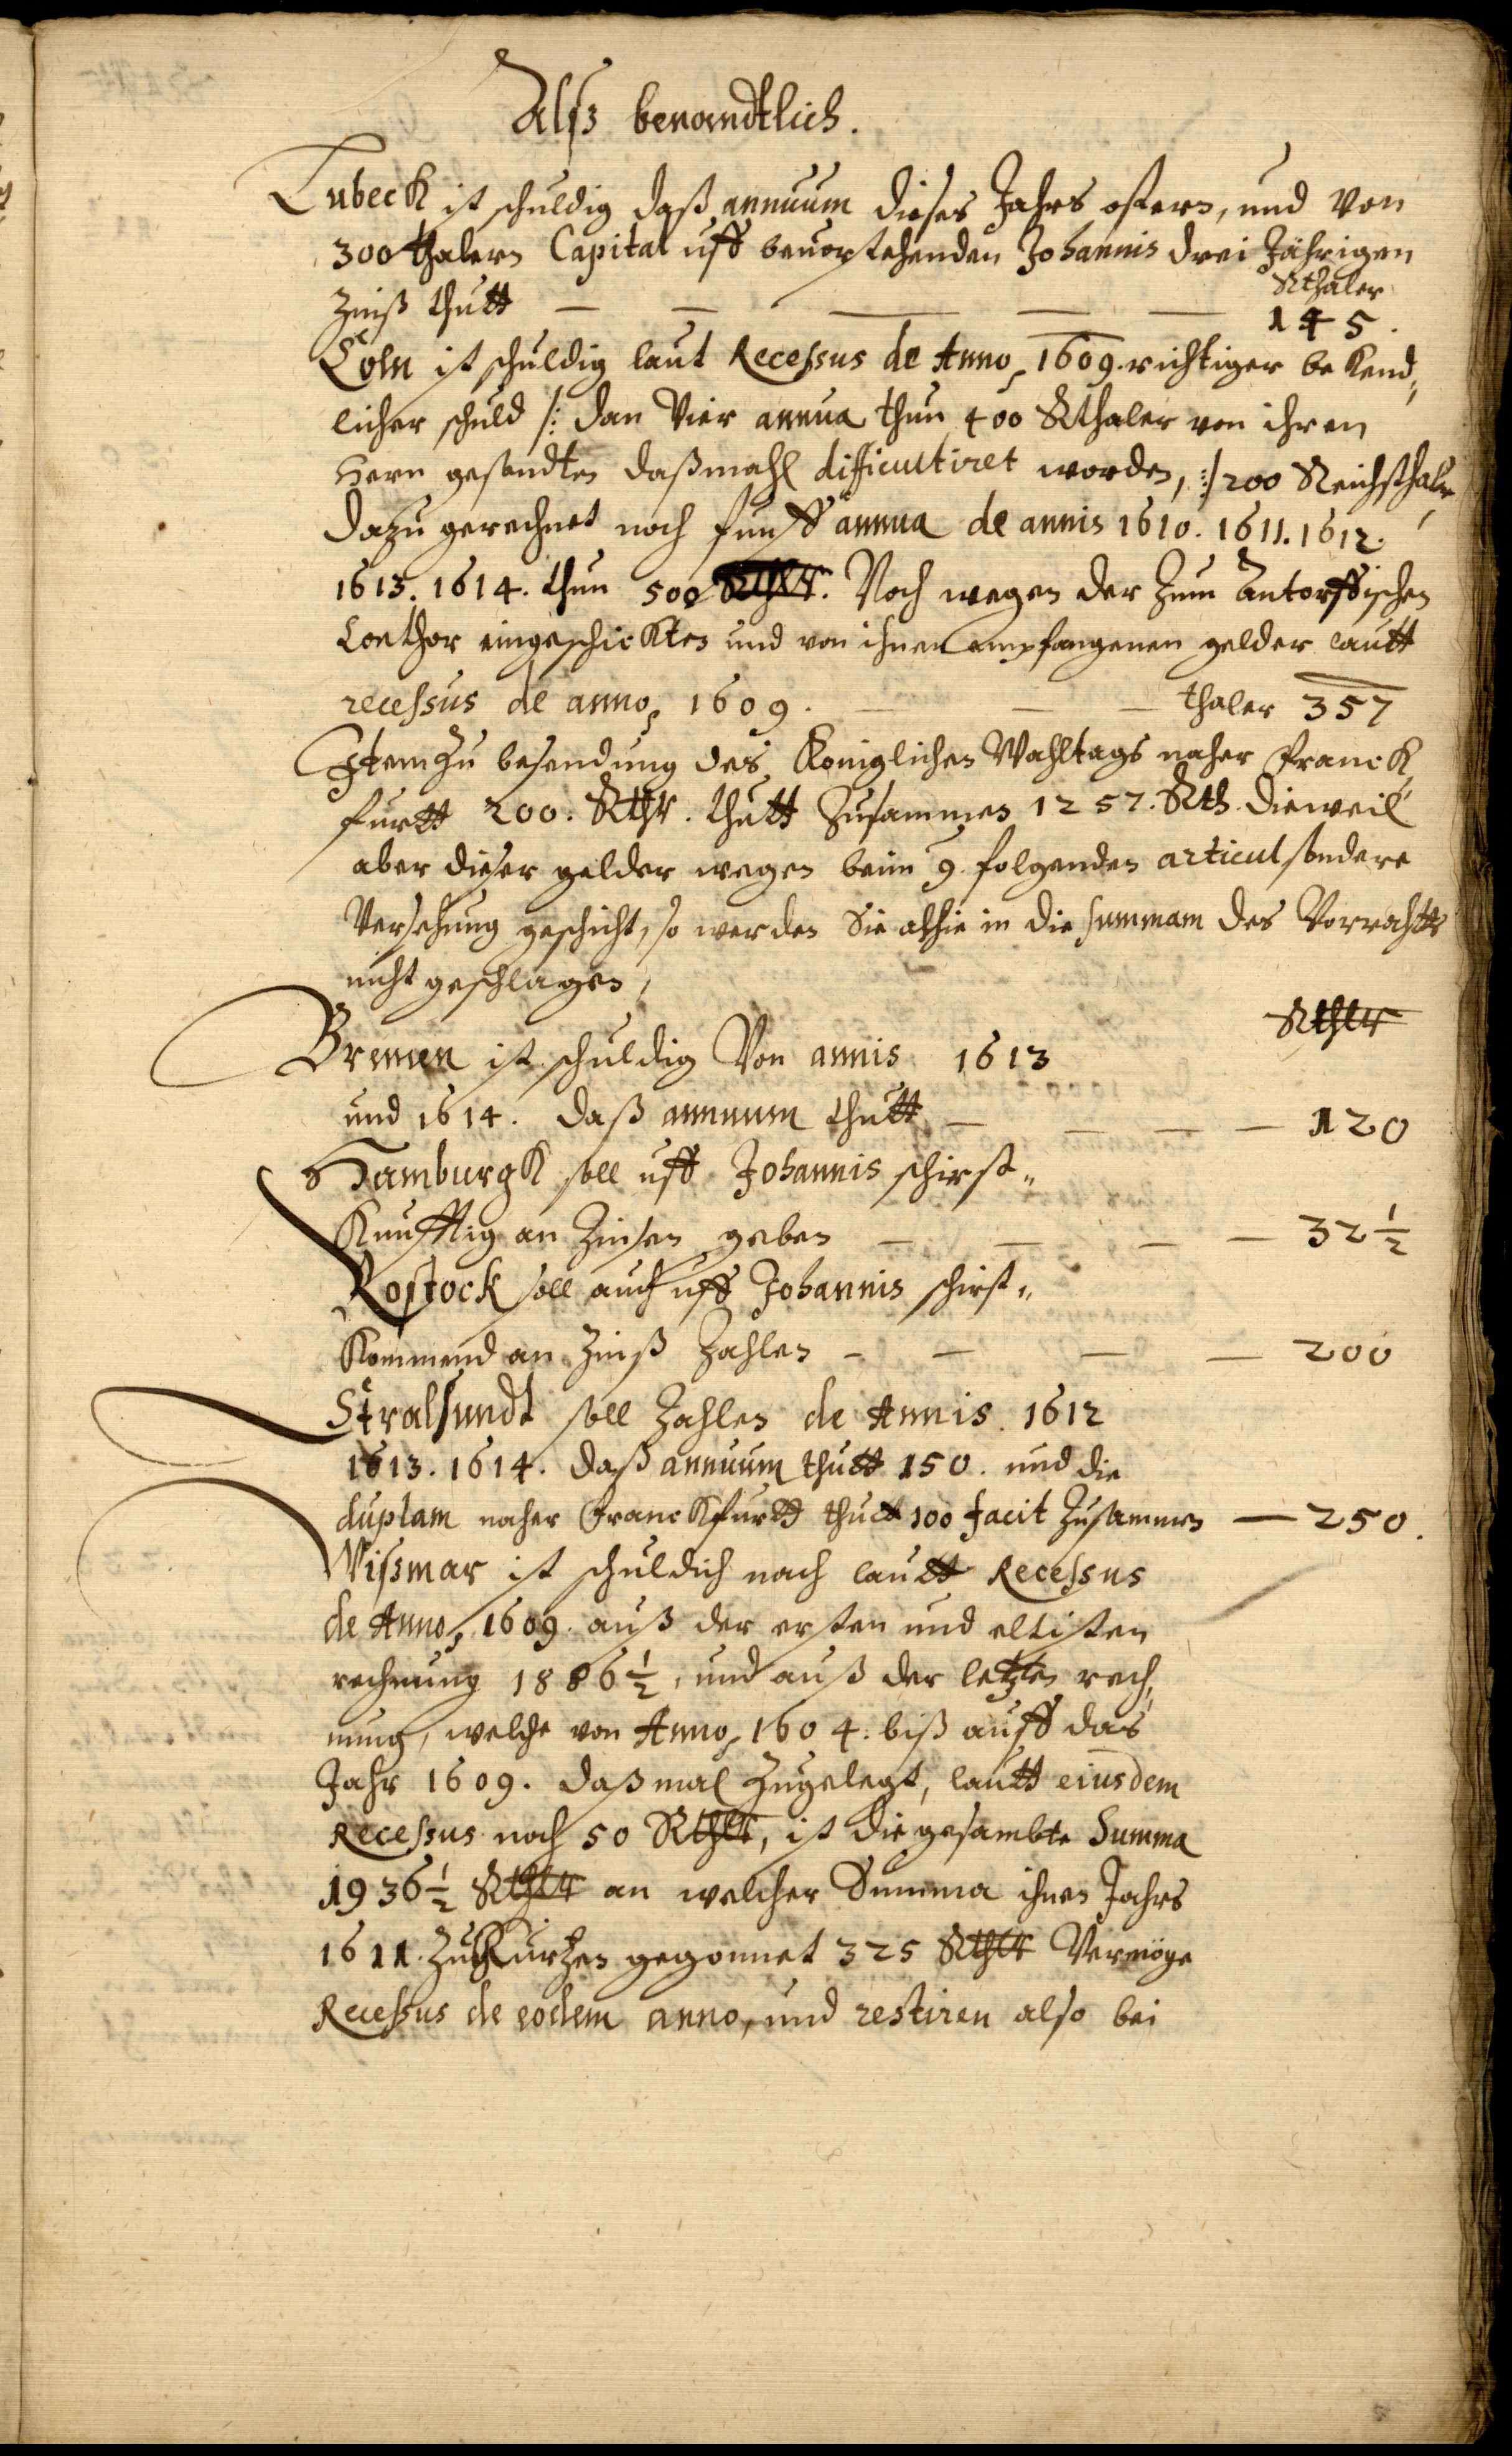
Alß benandtlich.
Lubeck ist schuldig daß annuum dieses Jahrs ostern, und von
300 thalern Capital uff beuorstehenden Johannis drei Jährigen
Rthaler
Zinß thutt - - -- - - 145.
Coln ist schuldig laut Recessus de Anno p 1609. richtiger bekend¬
licher schuld /: dan vier annua thun 400 Rthaler von ihren
Hern gesandten daßmahl difficultiret worden, :/ 200 Reichsthaler
dazu gerechnet noch funff annua de annis 1610. 1611. 1612.
1613. 1614. thun 500 Rthlr. Noch wegen der zum Antorffischen
Conthor eingeschickten und von ihnen empfangenen gelder lautt
recessus de anno 1609. - - thaler 357
Item zu besendung des Koniglichen Wahltags naher Franck¬
furtt 200. Rthr. thutt zusammen 1257. Rth. Dieweil
aber dieser gelder wegen beim 9. folgenden articul sondere
Versehung geschicht, so werden Sie alhie in die Summam des Vorrahtts
nicht geschlagen,
Rthlr
Bremen ist schuldig Von annis 1613
und 1614. daß annuum thutt - - - - 120
Hamburgk soll uff Johannis schirst¬
kunfftig an Zinsen geben - - - - 32½
Rostock soll auch uff Johannis schirst¬
kommend an Zinß Zahlen - - - - 200
Stralsundt soll Zahlen de Annis 1612
1613. 1614. daß annuum thutt 150. und die
duplam naher Franckfurtt thutt 100 facit zusammen - 250.
Wißmar ist schuldich nach lautt Recessus
de Anno p 1609. auß der ersten und eltisten
rechnung 1886½, und auß der letzten rech¬
nung, welche von Anno p 1604. biß auff das
Jahr 1609. daßmal zugelegt, lautt eiusdem
Recessus noch 50 Rthlr, ist die gesambte Summa
1936½ Rthlr an welcher Summa ihnen Jahrs
1611. zukurtzen gegonnet 325 Rthlr Vermöge
Recessus de eodem anno, und restiren also bei
